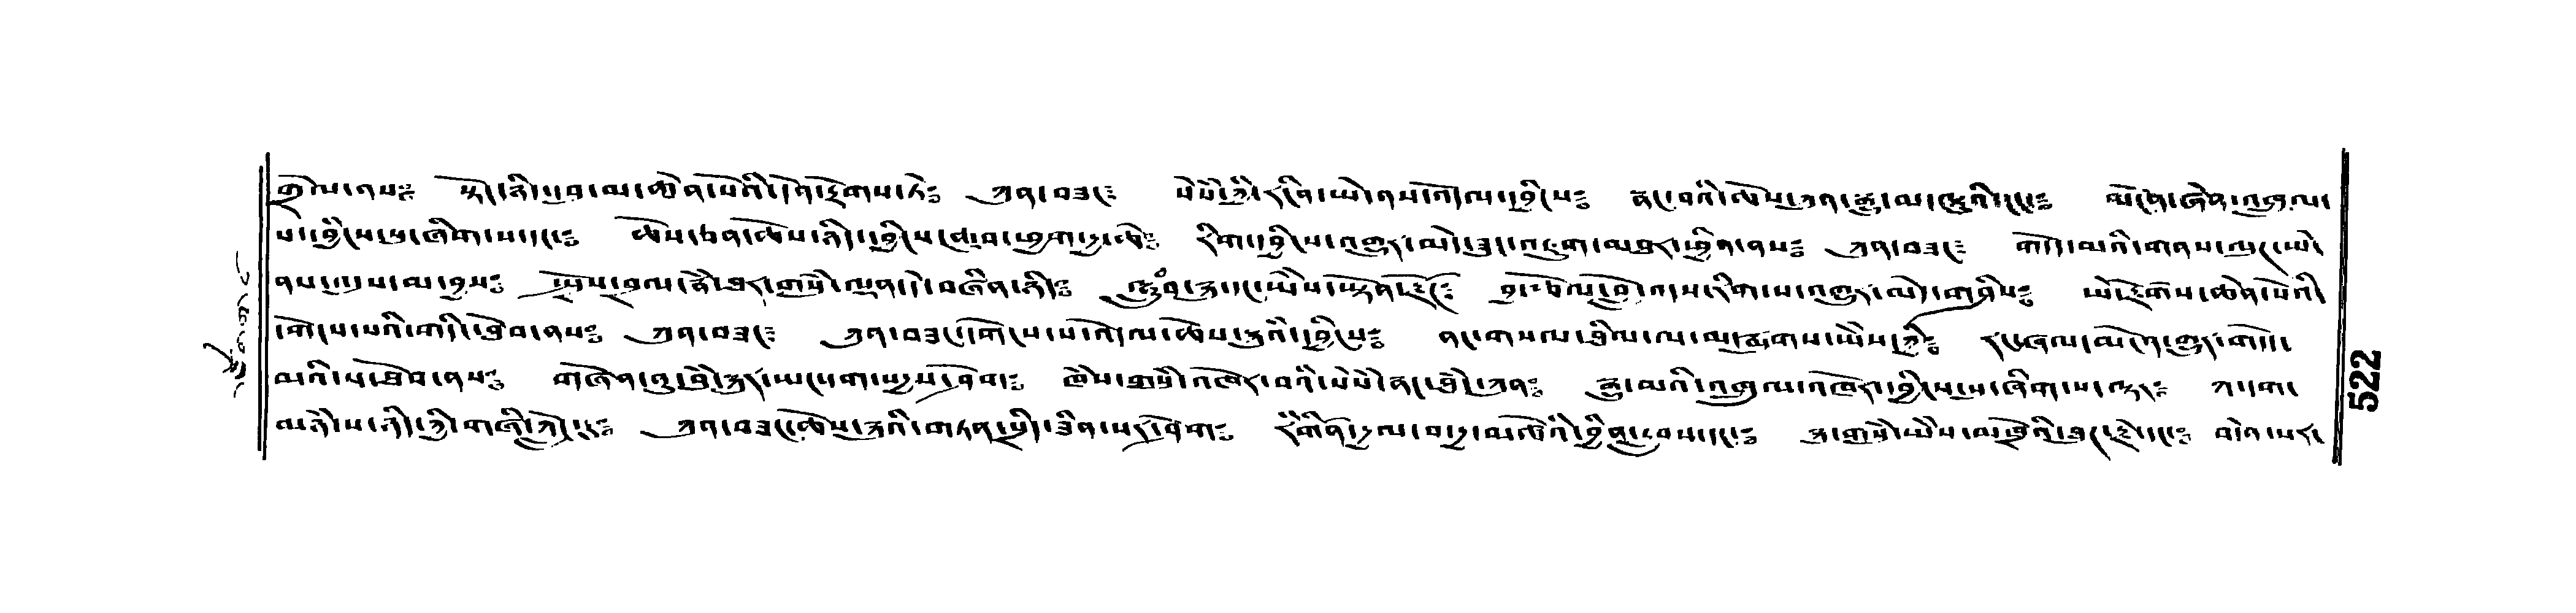གྲོལ་ནས༔ སྟོང་ཉིད་དབུ་མ་ཆེན་པོའི་དོན་རྟོགས་ཏེ༔ ཀུན་བཟང༴ སེམས་ཀྱི་རང་བཞིན་ཡེ་ནས་འོད་གསལ་དབྱིངས༔ སྣང་བའི་ཆོས་ཀུན་སྒྱུ་མ་ལྟ་བུའི་ངང༔ མངོན་ཞེན་འཁྲུལ་
པ་དབྱིངས་སུ་ཞིག་པ་དང༔ ཆོས་ཅན་ཆོས་ཉིད་དབྱིངས་ཆུབ་ཕྱག་རྒྱ་ཆེ༔ རིག་དབྱིངས་འགྱུར་མེད་ཟུང་འཇུག་མཐར་ཕྱིན་ནས༔ ཀུན་བཟང༴ གདོད་མའི་གནས་ལུགས་ཡེ་
ནས་འདུས་མ་བྱས༔ སྤྲོས་བྲལ་རྣམ་ཐར་གསུམ་ལྡན་དེ་བཞིན་ཉིད༔ ལྷུན་གྲུབ་སྐུ་དང་ཡེ་ཤེས་ཡོན་ཏན་རྫོགས༔ བྱ་རྩོལ་བློ་འདས་རིག་པ་འགྱུར་མེད་གཤིས༔ ཡེ་རྫོགས་ཆེན་པོའི་
དགོངས་པའི་གདིང་ཐོབ་ནས༔ ཀུན་བཟང༴ ཀུན་བཟང་དགོངས་པ་འོད་གསལ་ཆོས་སྐུའི་དབྱིངས༔ ནང་གསལ་ཐིམ་ལ་མ་རྨུགས་ཡེ་ཤེས་ཀྱི༔ རང་ཞལ་མངོན་གྱུར་གདོད་
མའི་ས་ཐོབ་ནས༔ གཞོན་ནུ་བུམ་སྐུར་ཡང་དག་སངས་རྒྱས་ཤོག༔ ཁམས་གསུམ་འཁོར་བའི་སེམས་སྣང་ཐམས་ཅད་ཀུན༔སྒྱུ་མའི་འཁྲུལ་འཁོར་དབྱིངས་སུ་ཞིག་པ་ལྟར༔ ཀ་དག་
མཉམ་པ་ཉིད་ཀྱི་གཞི་ཀློང་དུ༔ ཀུན་བཟང་ཆོས་སྐུའི་གཏན་སྲིད་ཟིན་པར་ཤོག༔ རིག་འཛིན་རྒྱལ་བ་རྒྱ་མཚོའི་བྱིན་རླབས་དང༔ སྐུ་གསུམ་ཡེ་ཤེས་མཁའ་འགྲོའི་ཐུགས་རྗེ་དང༔ བདེན་པར་